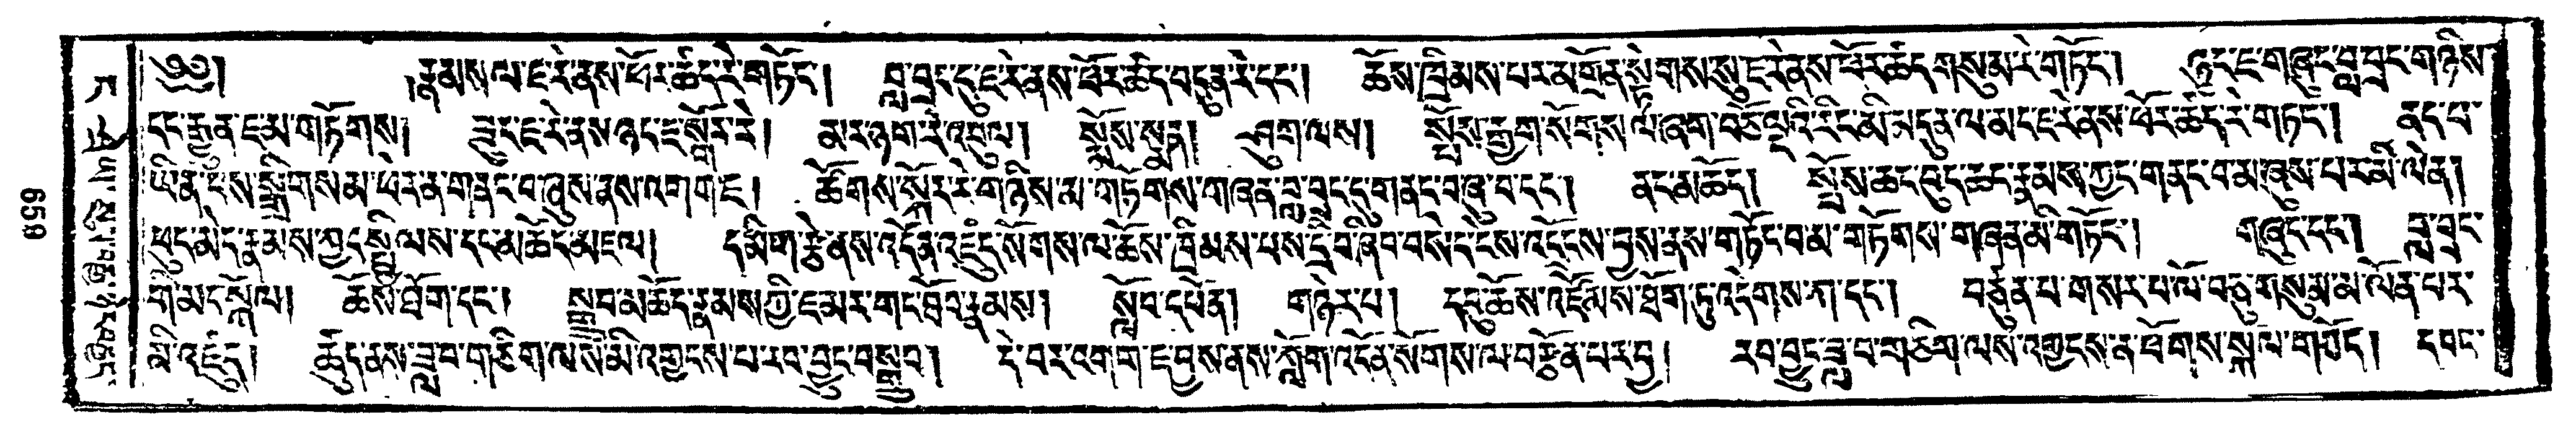༄༅། །རྣམས་ལ་ཇ་རེ་ནས་ཕོར་ཚད་རེ་གཏོང་། བླ་བྲང་དུ་ཇ་རེ་ནས་ཕོར་ཚད་བདུན་རེ་དང་། ཆོས་ཁྲིམས་པར་མགྲོན་སྟེགས་སུ་ཇ་རེ་ནས་ཕོར་ཚད་གསུམ་རེ་གཏོང་། ཉུང་ཇ་གཞུང་བླ་བྲང་གཉིས་
དང་རྒྱུན་ཇ་མ་གཏོགས། ཟུང་ཇ་རེ་ནས་ཉང་ཇ་སྒོར་རེ། མར་ཉག་རེ་འབུལ། སྨོས་སྨན། ཤུག་ལས། སྤོས་རྒྱག་སོགས་ལ་ཞག་བཅོ་ལྔའི་རིང་མི་མདུན་ལ་མང་ཇ་རེ་ནས་ཕོར་ཚད་རེ་གཏང་། ནད་པ་
ཡིན་པས་སྒྲིགས་མ་ཕེར་ན་གནང་བ་ཞུས་ནས་འགག་ཇ། ཚོགས་སྐོར་རེ་གཉིས་མ་གཏོགས་གཞན་བླ་བྲང་དུ་གནང་བ་ཞུ་བ་དང་། ནང་མཆོད། སྤོས་ཆང་བུད་ཆད་རྣམས་ཀྱང་གནང་བ་མ་ཞུས་པར་མི་ལེན།
ཕུད་མེད་རྣམས་ཀྱང་སྤྱི་ལས་དང་མཆོད་མཇལ། དམིག་རྩེ་ནས་འདོན་འཇུད་སོགས་ལ་ཆོས་ཁྲིམས་པས་དྲི་བ་ཞིབ་བསེད་ངེས་འདྲོངས་བྱས་ནས་གཏོང་བ་མ་གཏོགས་གཞན་མི་གཏོང་། གཞུང་དང་། བླ་བྲང་
གི་མང་སྐོལ། ཆོས་ཐོག་དང་། སྒྲུབ་མཆོད་རྣམས་ཀྱི་ཇ་མར་གང་ཐོབ་རྣམས། སློབ་དཔོན། གཉེར་པ། དབུ་ཆོས་འཛོམས་ཐོག་ཏུ་འདེགས་ཀ་དང་། བཙུན་པ་གསར་པ་ལོ་བཅུ་གསུམ་མ་ལོན་པར་
མི་འཛུད། ཚུད་ནས་ཟླ་བ་གཅིག་ལས་མི་འགྱངས་པ་རབ་བྱུང་བསྒྲུབ། དེ་བར་འགག་ཇ་བྱས་ནས་ཀློག་འདོན་སོགས་ལ་བརྩོན་པར་བྱ། རབ་བྱུང་ཟླ་བ་གཅིག་ལས་འགྱངས་ན་ཕོགས་སྐལ་གཅོད། དབང་